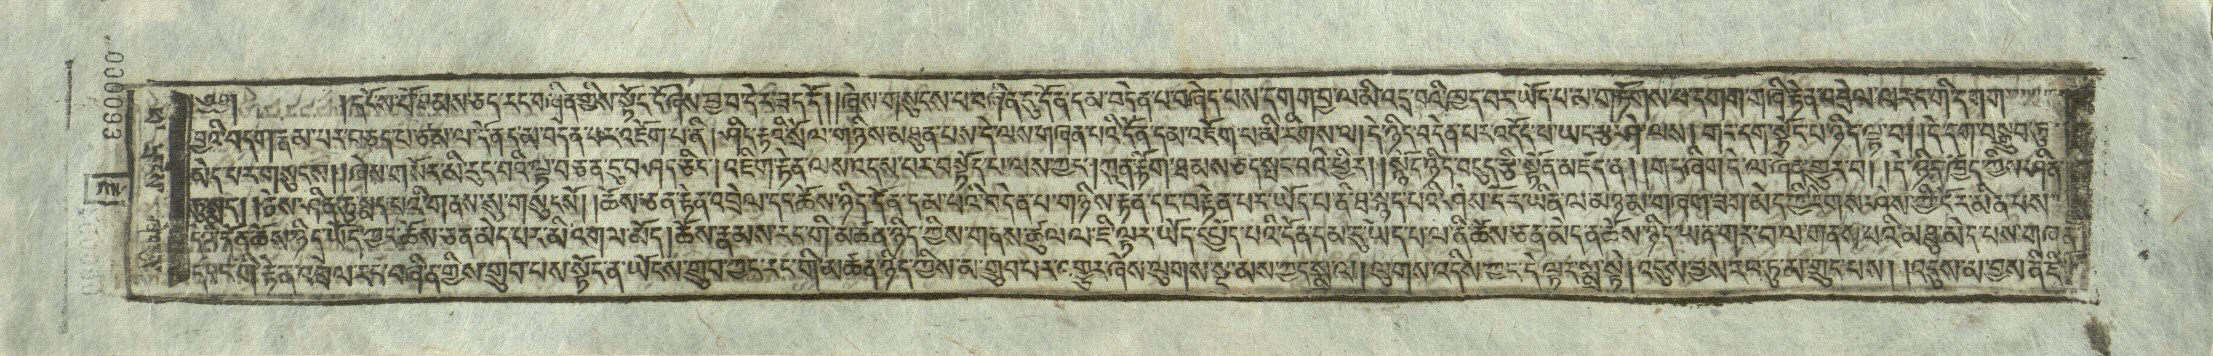༄༅། །དངོས་པོ་ཐམས་ཅད་རང་བཞིན་གྱིས་སྟོང་ངོ་ཞེས་བྱ་བ་དེར་ཟད་དོ། །ཞེས་གསུངས་པ་བཞིན་དུ་དོན་དམ་བདེན་པ་བཞེད་པས་དགག་བྱ་ལ་མི་འདྲ་བའི་ཁྱད་པར་ཡོད་པ་མ་གཏོགས་པ་དགག་གཞི་རྟེན་འབྲེལ་ལ་རང་གི་དགག་
བྱའི་བདག་རྣམ་བར་བཅད་པ་ཙམ་ལ་དོན་དམ་བདེན་པར་འཇོག་པ་ནི། ཤིང་རྟའི་སྲོལ་གཉིས་མཐུན་པས་དེ་ལས་གཞན་པའི་དོན་དམ་འཇོག་པ་མི་རིགས་ལ། དེ་ཉིད་བདེན་པར་འདོད་པ་ཡང་རྩ་ཤེས་ལས། གང་དག་སྟོང་པ་ཉིད་ལྟ་བ། །དེ་དག་བསྒྲུབ་ཏུ་
མེད་པར་གསུངས། །ཞེས་གསོར་མི་རུང་བའི་ལྟ་བ་ཅན་དུ་བཤད་ཅིང་། འཇིག་རྟེན་ལས་འདས་པར་བསྟོད་པ་ལས་ཀྱང་། ཀུན་རྟོག་ཐམས་ཅད་སྤང་བའི་ཕྱིར། །སྟོང་ཉིད་བདུད་རྩི་སྟོན་མཛད་ན། །གང་ཞིག་དེ་ལ་ཞན་གྱུར་པ། །དེ་ཉིད་ཁྱོད་ཀྱིས་ཤིན་
ཏུ་སྨད། །ཅེས་ཤིན་ཏུ་སྨད་པའི་གནས་སུ་གསུངས་སོ། །ཆོས་ཅན་རྟེན་འབྲེལ་དང་ཆོས་ཉིད་དོན་དམ་པའི་བདེན་པ་གཉིས་རྟན་དང་བརྟེན་པར་ཡོད་པ་ནི་ཐ་སྙད་པའི་ཤེས་ངོར་ཡིན་ལ་མཉམ་གཞག་ཟག་མེད་ཀྱི་རིགས་ཤེས་ཀྱི་ངོར་མིན་པས་
དེའི་དོན་ཆོས་ཉིད་ཡོད་ཀྱང་ཆོས་ཅན་མེད་པར་མི་འགལ་མོད། ཆོས་རྣམས་རང་གི་མཚན་ཉིད་ཀྱིས་གནས་ཚུལ་ལ་ཇི་ལྟར་ཡོད་དཔྱོད་པའི་དོན་དམ་དུ་ཡོད་པ་ལ་ནི་ཆོས་ཅན་མེད་ན་ཆོས་ཉིད་ཡན་གར་བ་ལ་གནས་པའི་མཐུ་མེད་པས་གཞན་
དབང་གི་རྟེན་འབྲེལ་རང་བཞིན་གྱིས་གྲུབ་པས་སྟོང་ན་ཡོངས་གྲུབ་ཀྱང་རང་གི་མཚན་ཉིད་ཀྱིས་མ་གྲུབ་པར་འགྱུར་ཞེས་ལུགས་སྔ་མས་ཀྱང་སྨྲ་ལ། ལུགས་འདིས་ཀྱང་དེ་ལྟར་སྨྲ་སྟེ། འདུས་བྱས་རབ་ཏུ་མ་གྲུབ་བས། །འདུས་མ་བྱས་ནི་ཇི་